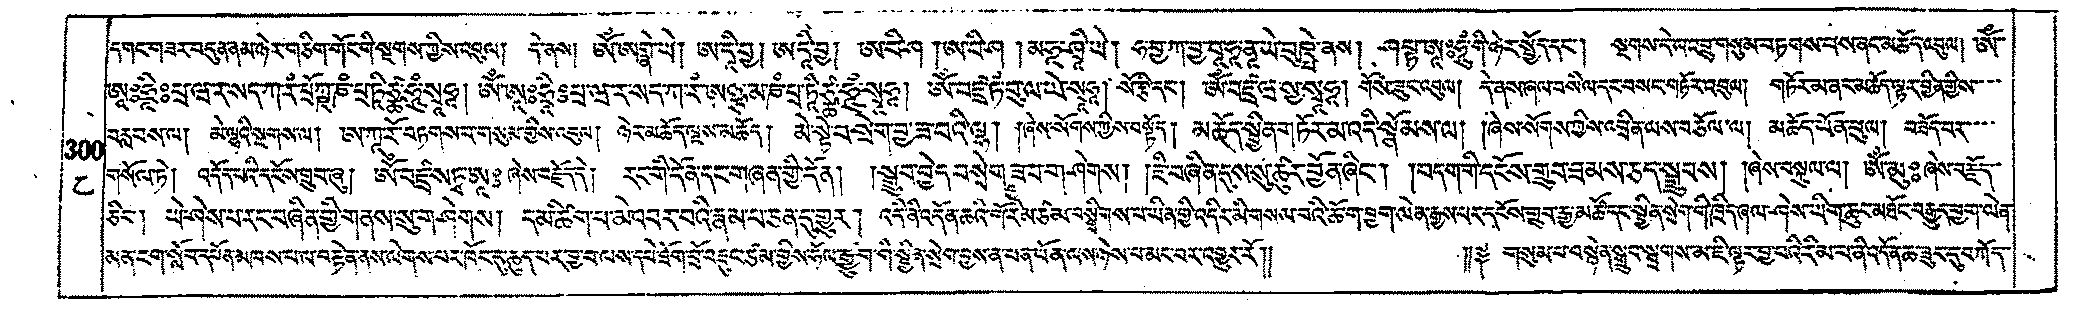དགང་གཟར་བདུན་ནམ་ཉེར་གཅིག་གོང་གི་སྔགས་ཀྱིས་འབུལ། དེ་ནས། ཨོཾ་ཨགནེ་ཡེ། ཨདཱི་བྱ། ཨབི་ཤ་།ཨ་བི་ཤ་།མཧཱ་ཤྲཱི་ཡེ། ཧ་བྱ་ཀ་བྱ་བཱ་ཧཱ་ནཱ་ཡེ་པུཥྤེ་ནས། ཤཔྟ་ཨཱཿཧཱུཾ་གི་ཉེར་སྤྱོད་དང་། སྔགས་དེ་ལ་འབྲུ་གསུམ་བཏགས་པས་ནང་མཆོད་འབུལ།  ཨོཾ་་་
ཨཱཿཧྲཱིཿཔྲ་ཝ་ར་སད་ཀ་རཾ་པྲོཀྵ་ཎཾ་པྲ་ཏཱི་ཙྪ་ཧཱུཾ་སྭཱཧཱ། ཨོཾ་ཨཱཿཧྲཱིཿཔྲ་ཝ་ར་སད་ཀ་རཾ་ཨཉྩ་མ་ཎཾ་པྲ་ཏཱི་ཙྪ་ཧཱུཾ་སྭཱཧཱ། ཨོཾ་བཛྲ་ཏཾ་བུ་ལ་ཡེ་སྭཱཧཱ། སོ་རྩི་དང་།  ཨོཾ་བཛྲ་ཝ་སྱ་སྭཱཧཱ། གོས་ཟུང་འབུལ། དེ་ནས་ཞལ་བསིལ་དང་བསང་གཏོར་འབུལ། གཏོར་མ་ནང་མཆོད་ལྟར་བྱིན་གྱིས་་་
བརླབས་ལ། མེ་ལྷའི་སྔགས་ལ། ཨ་ཀཱ་རོ་བཏགས་པ་གསུམ་གྱིས་འབུལ། ཉེར་མཆོད་ལྔས་མཆོད།  མེ་སྟེ་བསྲེག་བྱ་ཟ་བའི་ལྷ། །ཞེས་སོགས་ཀྱིས་བསྟོད།  མཆོད་སྦྱིན་གཏོར་མ་འདི་སྣོམས་ལ། །ཞེས་སོགས་ཀྱིས་འཕྲིན་ལས་བཅོལ་ལ། མཆོད་ཡོན་ཕུལ། བཟོད་པར་་་
གསོལ་ཏེ། འདོད་པའི་དངོས་གྲུབ་ཞུ། ཨོཾ་བཛྲ་སཏྭ་ཨཱཿཞེས་བརྗོད་དེ།  རང་གི་དོན་དང་གཞན་གྱི་དོན། །སྒྲུབ་བྱེད་བསྲེག་བྱ་ཟ་བ་གཤེགས། །ཇི་བཞིན་དུས་སུ་ཚུར་བྱོན་ཞིང་། །བདག་གི་དངོས་གྲུབ་ཐམས་ཅད་སྒྲུབས། །ཞེས་བསྐུལ་ལ།  ཨོཾ་མུཿ ཞེས་བརྗོད་་་
ཅིང་། ཡེ་ཤེས་པ་རང་བཞིན་གྱི་གནས་སུ་གཤེགས། དམ་ཚིག་ལ་མེ་འབར་བའི་རྣམ་པ་ཅན་དུ་གྱུར། འདི་ནི་འདོན་ཆའི་གོ་རིམ་ཙམ་བསྒྲིགས་པ་ཡིན་གྱི་འདིར་མི་གསལ་བའི་ཆོ་ག་ཕྱག་ལེན་རྒྱས་པར་དངོས་གྲུབ་རྒྱ་མཚོ་དང་སྦྱིན་སྲེག་གི་ཁྲིད་ཞལ་ཤེས་ཡིག་ཆུང་མཐོང་བརྒྱུད་ཕྱག་ལེན་
མན་ངག་སློབ་དཔོན་མཁས་པ་ལ་བརྟེན་ནས་ལེགས་པར་ཁོང་དུ་ཆུད་པར་བྱ་བ་ལས་དཔེ་ཐོག་བྲོ་བརྡུང་ཙམ་གྱིས་ཧོལ་རྒྱུག་གི་སྦྱིན་སྲེག་བྱས་ན་ཕན་ཡོན་ལས་ཉེས་པ་མང་བར་འགྱུར་རོ།། །། འ་གསུམ་པ་བསྙེན་སྒྲུབ་སྦྲགས་མ་ཇི་ལྟར་བྱ་བའི་རིམ་པ་ནི་འདོན་ཆ་ཟུར་དུ་བཀོད་་་